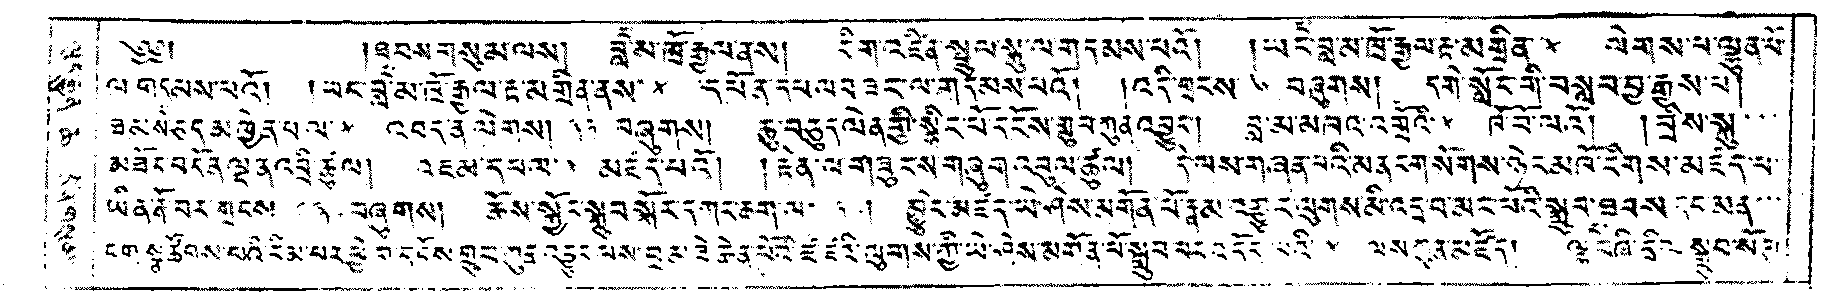༄༅། །ཐབས་གསུམ་ལས། བླ་མ་ཁྲོ་རྒྱལ་ནས། རིག་འཛིན་སྤྲུལ་སྐུ་ལ་གདམས་པའོ། །ཡར་ཡང་?་བླ་མ་ཁྲོ་རྒྱལ་རྟ་མགྲིན་྾་ལེགས་པར་ལྷུན་པོ་
ལ་གདམས་པའོ། །ཡང་བླ་མ་ཁྲོ་རྒྱལ་རྟ་མགྲིན་ནས་྾་དཔོན་དཔལ་བཟང་ལ་གདམས་པའོ། །འདི་གྲངས ༦་བཞུགས། དགེ་སློང་གི་བསླབ་བྱ་རྒྱས་པ།
ཐམས་ཅད་མཁྱེན་པ་ལ་྾་འབད་ན་ལེགས ༣༢་བཞུགས། ཆུ་བཅུད་ལེན་གྱི་སྙིང་པོ་དངོས་གྲུབ་ཀུན་འབྱུང་། བླ་མ་མཁའ་འགྲོའི་྾་ཁོ་བོ་ལའོ། །བྲིས་སྐུ་
མཐོང་བ་དོན་ལྡན་འབྲི་ཚུལ། འཇམ་དཔལ་྾་མཛད་པའོ། །རྟེན་ལ་གཟུངས་གཞུག་འབུལ་ཚུལ། དེ་ལས་གཞན་པའི་མན་ངག་སོགས་ཉེར་མཁོ་རིགས་མཛད་པ་
ཡིན་ནོ་བར་གྲངས ༡༣་བཞུགས། ཆོས་སྐྱོང་སྒྲུབ་སྐོར་དཀར་ཆག་ལ། ༢། མྱུར་མཛད་ཡེ་ཤེས་མགོན་པོ་རྣམ་འགྱུར་ལུགས་མི་འདྲ་བ་མང་པོའི་སྒྲུབ་ཐབས་དང་མན་
ངག་སྣ་ཚོགས་པའི་རིམ་པར་ཕྱེ་བ་དངོས་གྲུབ་ཀུན་འབྱུང་ནས་བྲམ་ཟེ་ཆེན་པོའི་ཛ་ཛའི་ལུགས་ཀྱི་ཡེ་ཤེས་མགོན་པོ་སྒྲུབ་པར་འདོད་པའི། ྾་ལས་ཀུན་མཛོད། ལྷ་བཞི་དྲིལ་སྒྲུབ་སོགས།